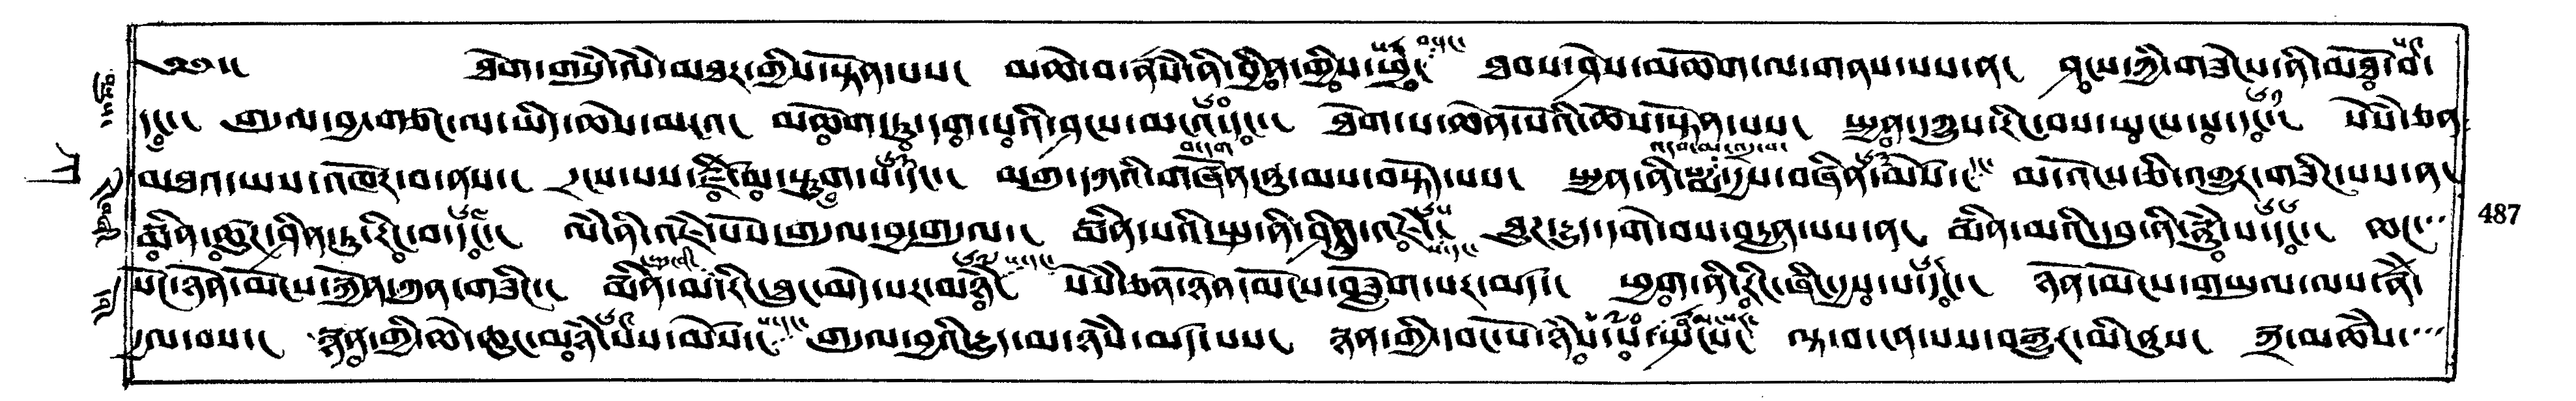ཐེག་གསུམ་ལམ་མཐར་གྱིས་སྟོན་པས། །མཆེ་བ་རྣམས་ནི་བྱིན་གྱིས་ཕྲ།། བ་དང་། ཐབས་ཤེས་མཆོག་ལ་གནས་པས་ན། །ཤངས་ཀྱི་གཟེངས་ནི་མཐོ་བ་
དང་། །གདུལ་བྱ་གཙང་ལ་ཡིད་ཆེས་མངའ། །མཆོག་ཏུ་དག་པའི་ཤངས་མངའ་དང་། །ཐེག་པ་ཆེན་པོའི་ཆོས་སྟོན་པས། །སྤྱན་དཀྱུས་རིང་བས་ཡངས་པ་དང་། །སེམས་ཅན་
མཐའ་ཡས་འཁོར་བ་ནས། །དྲངས་པས་རྫི་མ་སྟུག་པ་དང་། །མགུ་དཀའི་གཞོན་ནུ་མས་བསྟོད་པས། །སྤྱན་ནི་པདྨ་འདབ་མ་འདྲ་བ་རྒྱས་བཞིན་མཛེས། །མ་འོངས་ཅི་འགྱུར་གཟིགས་པས་ན། །
སྨིན་ཚུགས་ཤིན་ཏུ་རིང་བ་དང་། །ལམ་ནི་འཇམ་པོས་གདུལ་བྱ་གདུལ། །སྨིན་པའི་སྤུ་ནི་ཤིན་ཏུ་འཇམ། །ཐུགས་རྒྱུད་དགེ་བས་བརླན་པས་ན། །སྨིན་མའི་དབུ་ནི་སྣུམ་པ་དང་། །ཆགས་
སོགས་ཉོན་མོངས་སྐྱོན་ཀུན་གཟིགས། །སྨིན་མ་སྤུ་ནི་རིང་ཐུང་མེད་པར་མཉམ།། པ་དང་། སེམས་ཅན་ཉོན་མོངས་བཟློག་པར་མཛད། །ཕྱག་ནི་རིང་ཞིང་རྒྱས་པ་དང་། །ཉོན་མོངས་གཡུལ་ལས་རྣམ་
རྒྱལ་བས། །སྙན་གྱི་ཆེ་ཆུང་མཉམ་པས་མཛེས། །གདུལ་བྱའི་རྒྱུད་མ་ཉམས་མཛད་པས། །སྙན་གྱི་དབང་པོ་ཉམས་པ་རྣམ་པར་སྤངས། །ལྟ་བ་ངན་པས་བསྒྱུར་མི་ནུས། །སྐྲ་མཚམས་